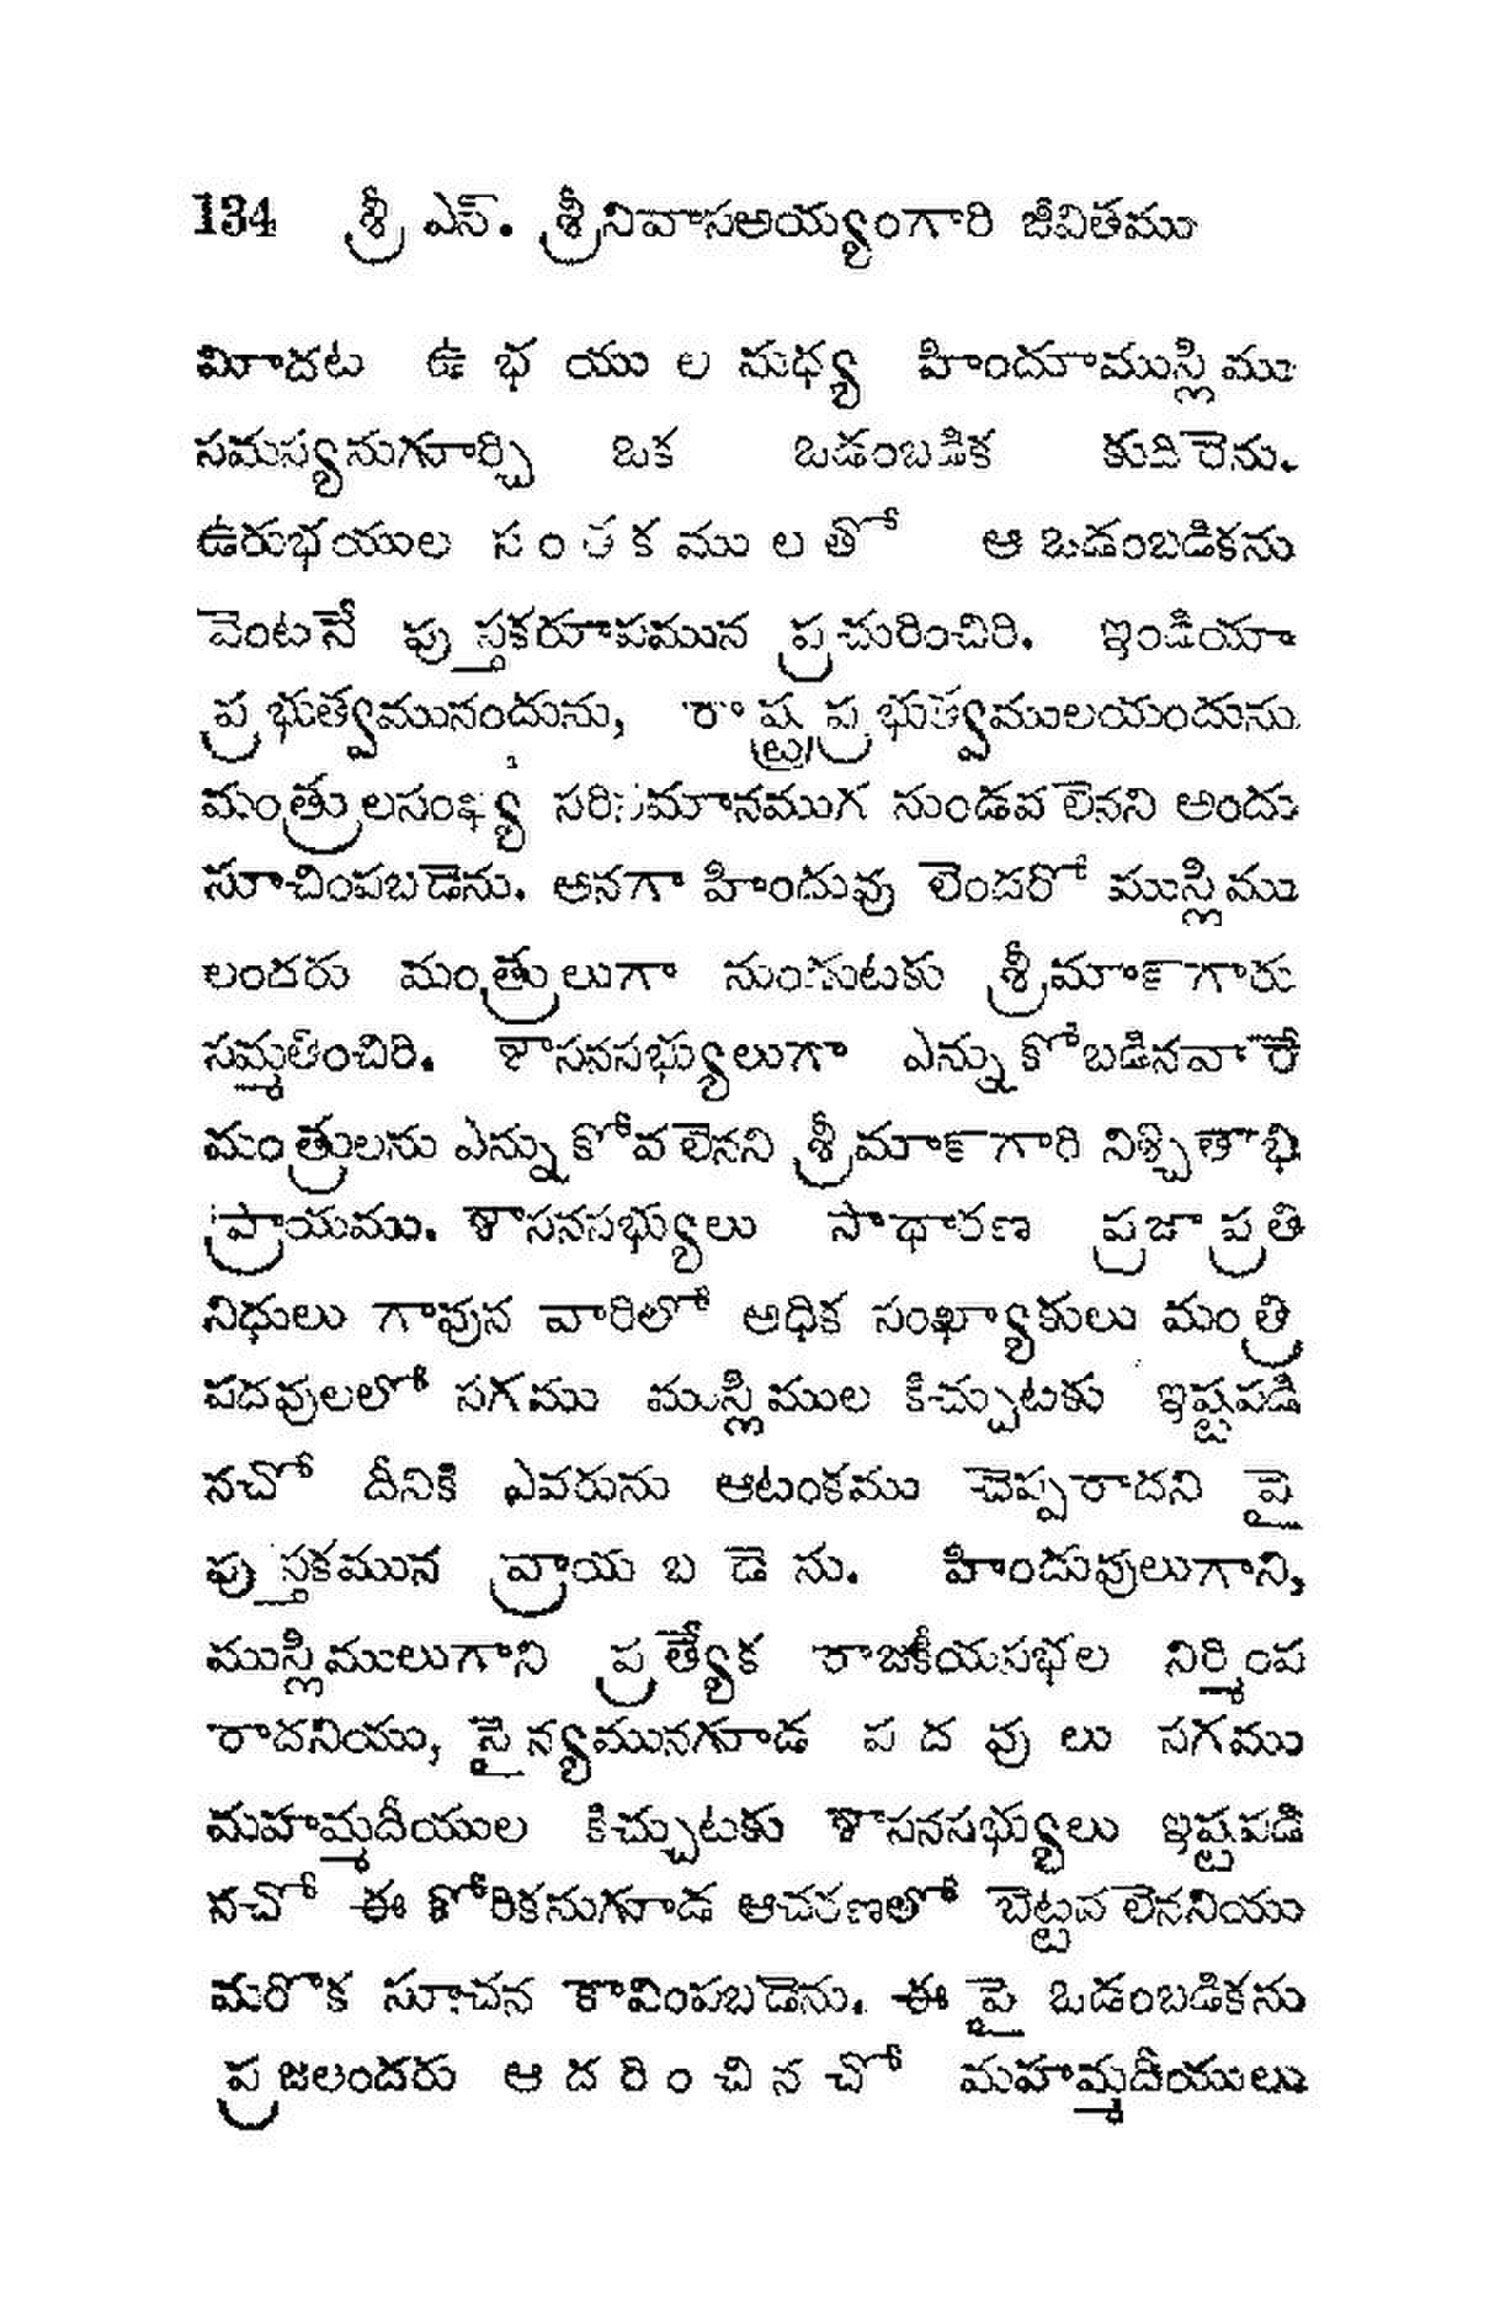మీదట ఉభయుల మధ్య హిందూముస్లిము సమస్యనుగూర్చి ఒక ఒడంబడిక కుదిరెను. ఉభయుల సంతకములతో ఆ ఒడంబడికను వెంటనే పుస్తకరూపుమున ప్రచురించిరి. ఇండియా ప్రభుత్వమునందును, రాష్ట్రప్రభుత్వములయందును మంత్రులసంఖ్య సరిసమానముగ నుండవలెనని అందు సూచింపబడెను. అనగా హిందువు లెందరో ముస్లిము లందరు మంత్రులుగా నుండుటకు శ్రీమా౯గారు సమ్మతించిరి. శాసనసభ్యులుగా ఎన్నుకోబడినవారే మంత్రులను ఎన్నుకోవలెనని శ్రీమా౯గారి నిశ్చితాభిప్రాయము. శాసనసభ్యులు సాధారణ ప్రజా ప్రతినిధులు గావున వారిలో అధిక సంఖ్యాకులు మంత్రి పదవులలో సగము ముస్లిముల కిచ్చుటకు ఇష్టపడినచో దీనికి ఎవరును ఆటంకము చెప్పరాదని పై పుస్తకమున వ్రాయబడెను. హిందువులుగాని, ముస్లిములుగాని ప్రత్యేక రాజకీయసభల నిర్మింప రాదనియు, సైన్యమునగూడ పదవులు సగము మహమ్మదీయుల కిచ్చుటకు శాసనసభ్యులు ఇష్టపడినచో ఈ కోరికనుగూడ ఆచరణలో బెట్టవలెననియు మరొక సూచన కావింపబడెను. ఈపై ఒడంబడికను ప్రజలందరు ఆదరించినచో మహామ్మదీయులు